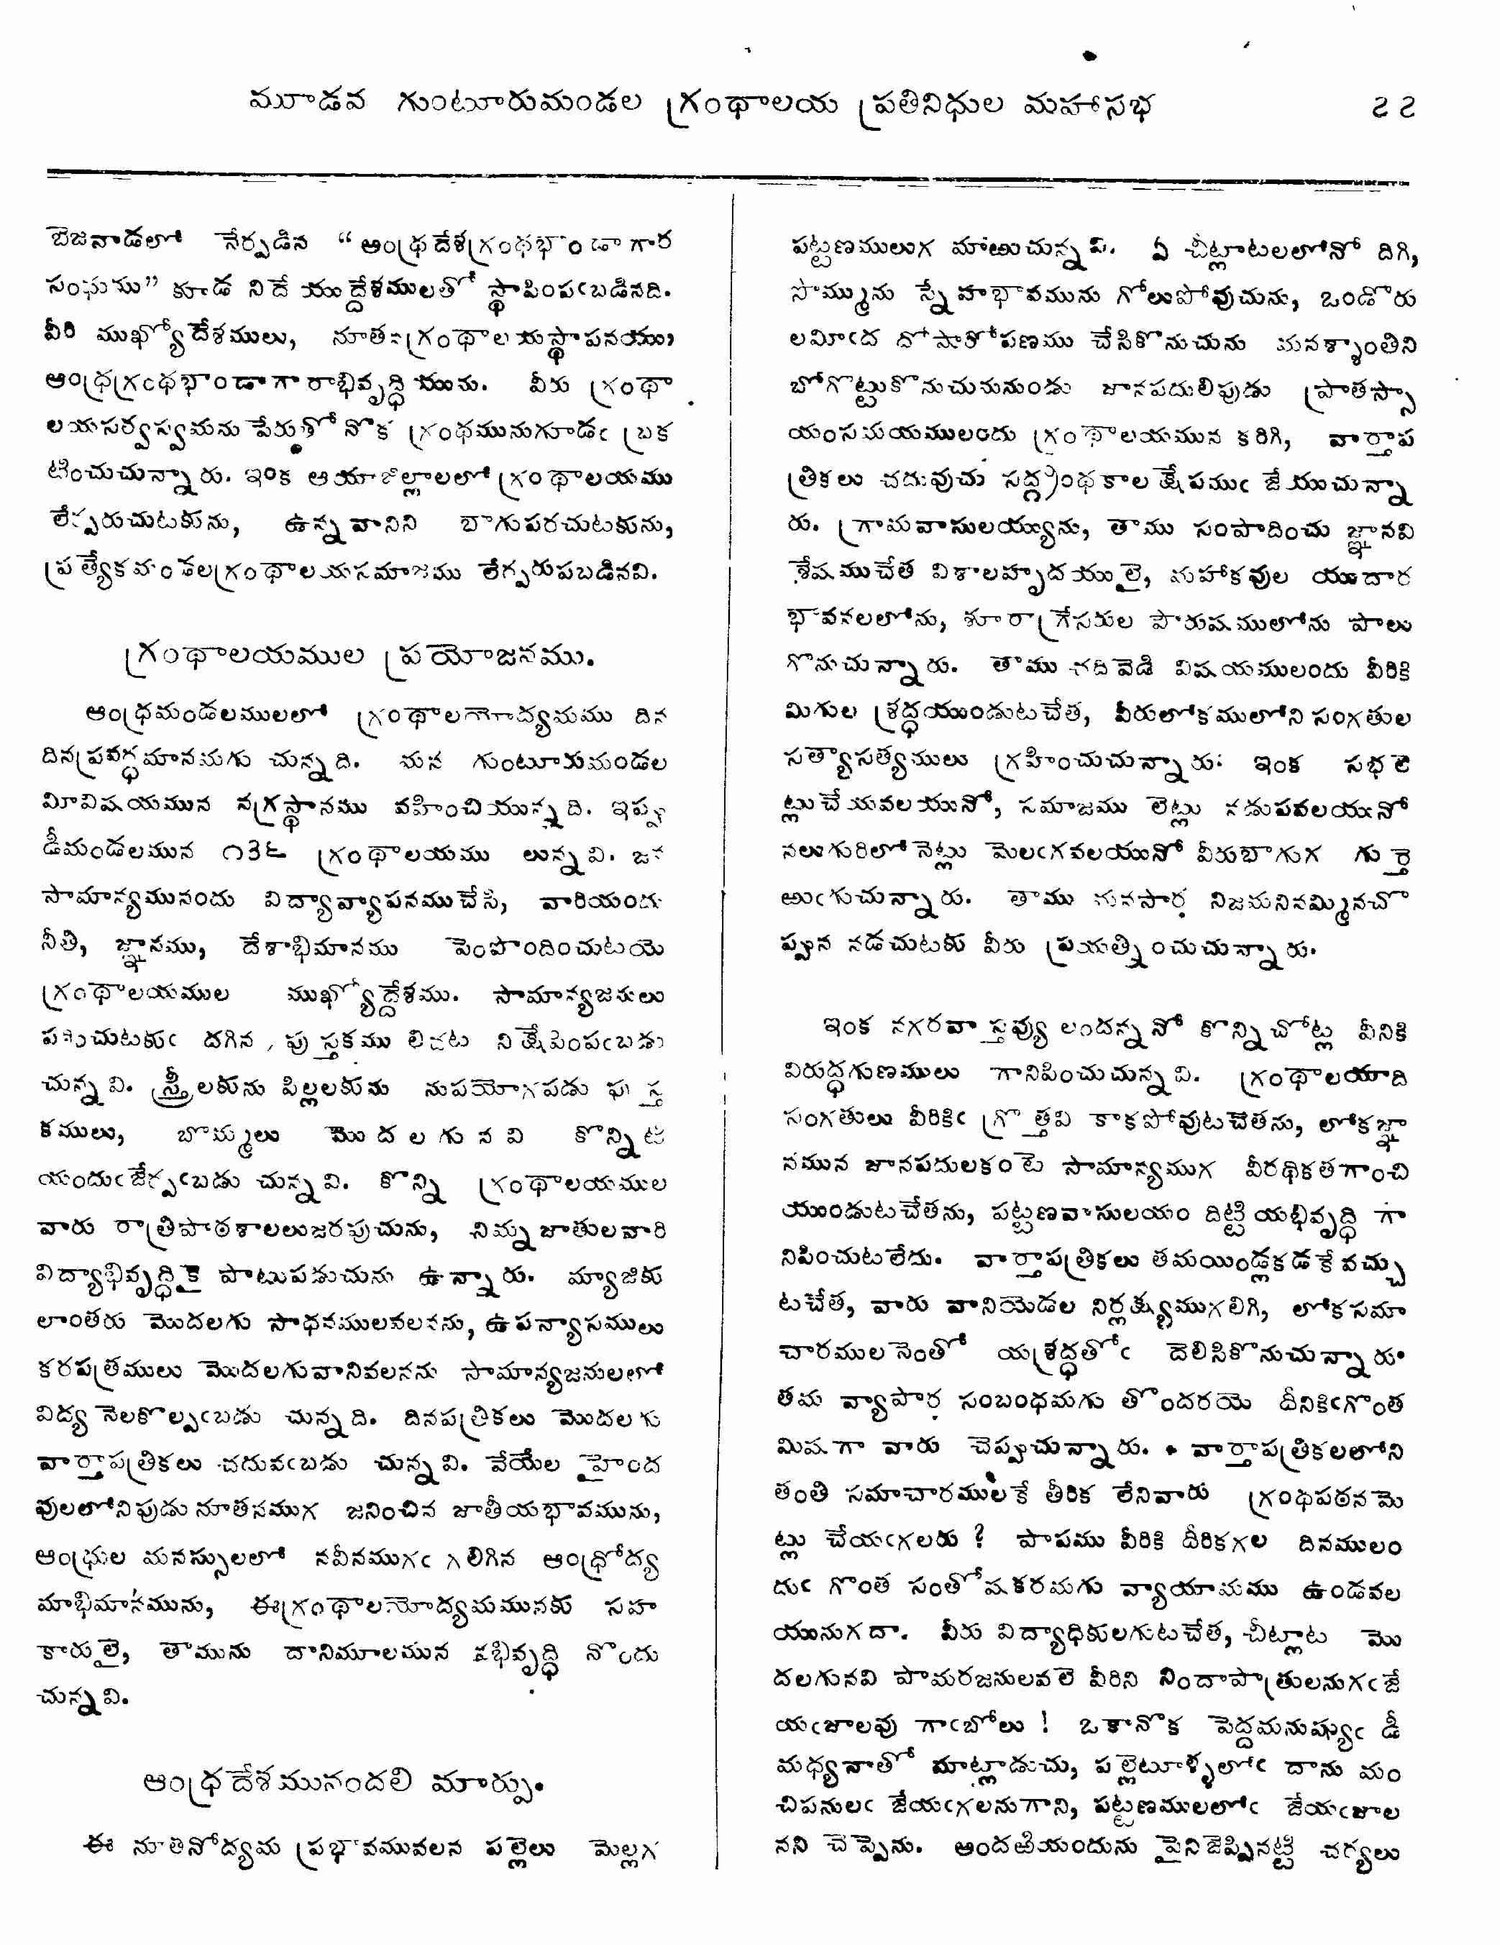బెజవాడలో నేర్పడిన “ఆంధ్రదేశ గ్రంథభాండాగార సంఘము" కూడ నిదే యుద్దేశములతో స్థాపింపఁబడినది. వీరి 
ముఖ్యోదేశములు, నూత గ్రంథాలయ స్థాపనయు, ఆంధ్రగ్రంథ భాండాగారాభివృద్ధియును. వీరు గ్రంథాలయ సర్వస్వమను పేరుతో నొక గ్రంథమునుగూడఁ బ్రకటించుచున్నారు. ఇంక ఆయాజిల్లాలలో గ్రంథాలయము లేర్పరుచుటకును, ఉన్నవానిని బాగుపరచుటకును, ప్రత్యేకమండల గ్రంథాలయసమాజము లేర్పరుపబడినవి.

ఆంధ్రమండలములలో గ్రంథాలయోద్యమము దినదినప్రవర్థమానమగు చున్నది. మన గుంటూరుమండల మీ విషయమున నగ్రస్థానము వహించియున్నది. ఇప్పుడీమండలమున ౧౩౬ గ్రంథాలయము లున్నవి. జనసామాన్యమునందు విద్యావ్యాపనము చేసి, వారియందు నీతి, జ్ఞానము, దేశాభిమానము పెంపొందించుటయె గ్రంథాలయముల ముఖ్యోద్దేశము. సామాన్యజనులు
పఠించుటకుఁ దగిన పుస్తకము లిజట నిక్షేపింపఁబడు చున్నవి. స్త్రీలకును పిల్లలకును నుపయోగపడు పుస్తకములు, బొమ్మలు
మొదలగునవి కొన్నిటి యందుఁజేర్పఁబడుచున్నవి. కొన్ని గ్రంథాలయముల వారు రాత్రిపాఠశాలలు జరుపుచును, నిమ్న జాతుల వారి విద్యాభివృద్ధికై పాటుపడుచును ఉన్నారు. మ్యాజికు లాంతరు మొదలగు సాధనములవలనను, ఉపన్యాసములు
కరపత్రములు మొదలగు వానివలనను సామాన్యజనులలో విద్య నెలకొల్పఁబడుచున్నది. దినపత్రికలు మొదలగు వార్తాపత్రికలు చదువఁబడు చున్నవి. వేయేల హైందవులలో నిపుడు నూతనముగ జనించిన జాతీయభావమును, ఆంధ్రుల మనస్సులలో నవీనముగఁ గలిగిన ఆంధ్రోద్యమాభిమానమును, ఈగ్రంథాలయోద్యమమునకు సహకారులై, తామును దానిమూలమున నభివృద్ధి నొందు చున్నవి.

ఈ నూతనోద్యమ ప్రభావమువలన పల్లెలు మెల్లగ పట్టణములుగ మాఱుచున్నవి. ఏ చీట్లాటలలోనో దిగి, సొమ్మును స్నేహభావమును గోలుపోవుచును, ఒండొరులమీఁద దోషారోపణము చేసికొనుచును మనశ్శాంతిని బోగొట్టుకొనుచునునుండు జానపదులిపుడు 
ప్రాతస్సాయంసమయములందు గ్రంథాలయమున కరిగి, వార్తాపత్రికలు చదువుచు సద్గ్రంధకాలక్షేపముఁ జేయుచున్నారు. గ్రామవాసులయ్యును, తాము సంపాదించు జ్ఞానవిశేషముచేత విశాలహృదయులై, మహాకవుల యుదారభావనలలోను, శూరాగ్రేసరుల పౌరుషములోను పాలుగొనుచున్నారు. తాము చదివెడి విషయములందు వీరికి మిగుల శ్రద్ధయుండుటచేత, వీరులోకములోని సంగతుల సత్యాసత్యములు గ్రహించుచున్నారు. ఇంక సభ లట్లుచేయవలయునో, సమాజము లెట్లు నడుపవలయునో
నలుగురిలో నెట్లు మెలఁగవలయునో వీరు భాగుగ గుర్తెఱుఁగుచున్నారు. తాము మనసార నిజమనినమ్మినచోప్పున నడచుటకు వీరు ప్రయత్నించుచున్నారు.

ఇంక నగరవాస్తవ్యు లందన్ననో కొన్నిచోట్ల దీనికి విరుద్ధగుణములు గానిపించుచున్నవి. గ్రంథాలయాది సంగతులు వీరికిఁ క్రొత్తవి కాకపోవుటచేతను, లోకజ్ఞానమున జానపదులకంటే సామాన్యముగ వీరథికతగాంచి యుండుట చేతను, పట్టణవాసులయం 
దిట్టియభివృద్ధి గానిపించుటలేదు. వార్తాపత్రికలు తమయిండ్లకడకే వచ్చుటచేత, వారు వానియెడల నిర్లక్ష్యముగలిగి, లోక 
సమాచారముల నెంతో యశ్రద్ధతోఁ దెలిసికొనుచున్నారు. తమ వ్యాపార సంబంధమగు తొందరయె దీనికిఁగొంత మిషగా వారు చెప్పుచున్నారు. వార్తాపత్రికలలోని తంతి సమాచారములకే తీరిక లేనివారు గ్రంథపఠన మెట్లు చేయఁగలరు? పాపము వీరికి దీరికగల దినములందుఁ గొంత సంతోషకరమగు వ్యాయామము ఉండవలయును గదా. వీరు విద్యాధికులగుటచేత, చీట్లాట మొదలగునవి పామరజనులవలె వీరిని నిందాపాత్రులనుగఁ జేయఁజాలవు గాఁబోలు! ఒకానొక పెద్దమనుష్యుఁడీ మధ్యనాతో మాట్లాడుచు, పల్లెటూళ్ళలోఁ దాను మంచిపనులఁ జేయఁగలను గాని, పట్టణములలోఁ జేయఁజాలనని చెప్పెను. అందఱియందును పైని జెప్పినట్టి చర్యలు